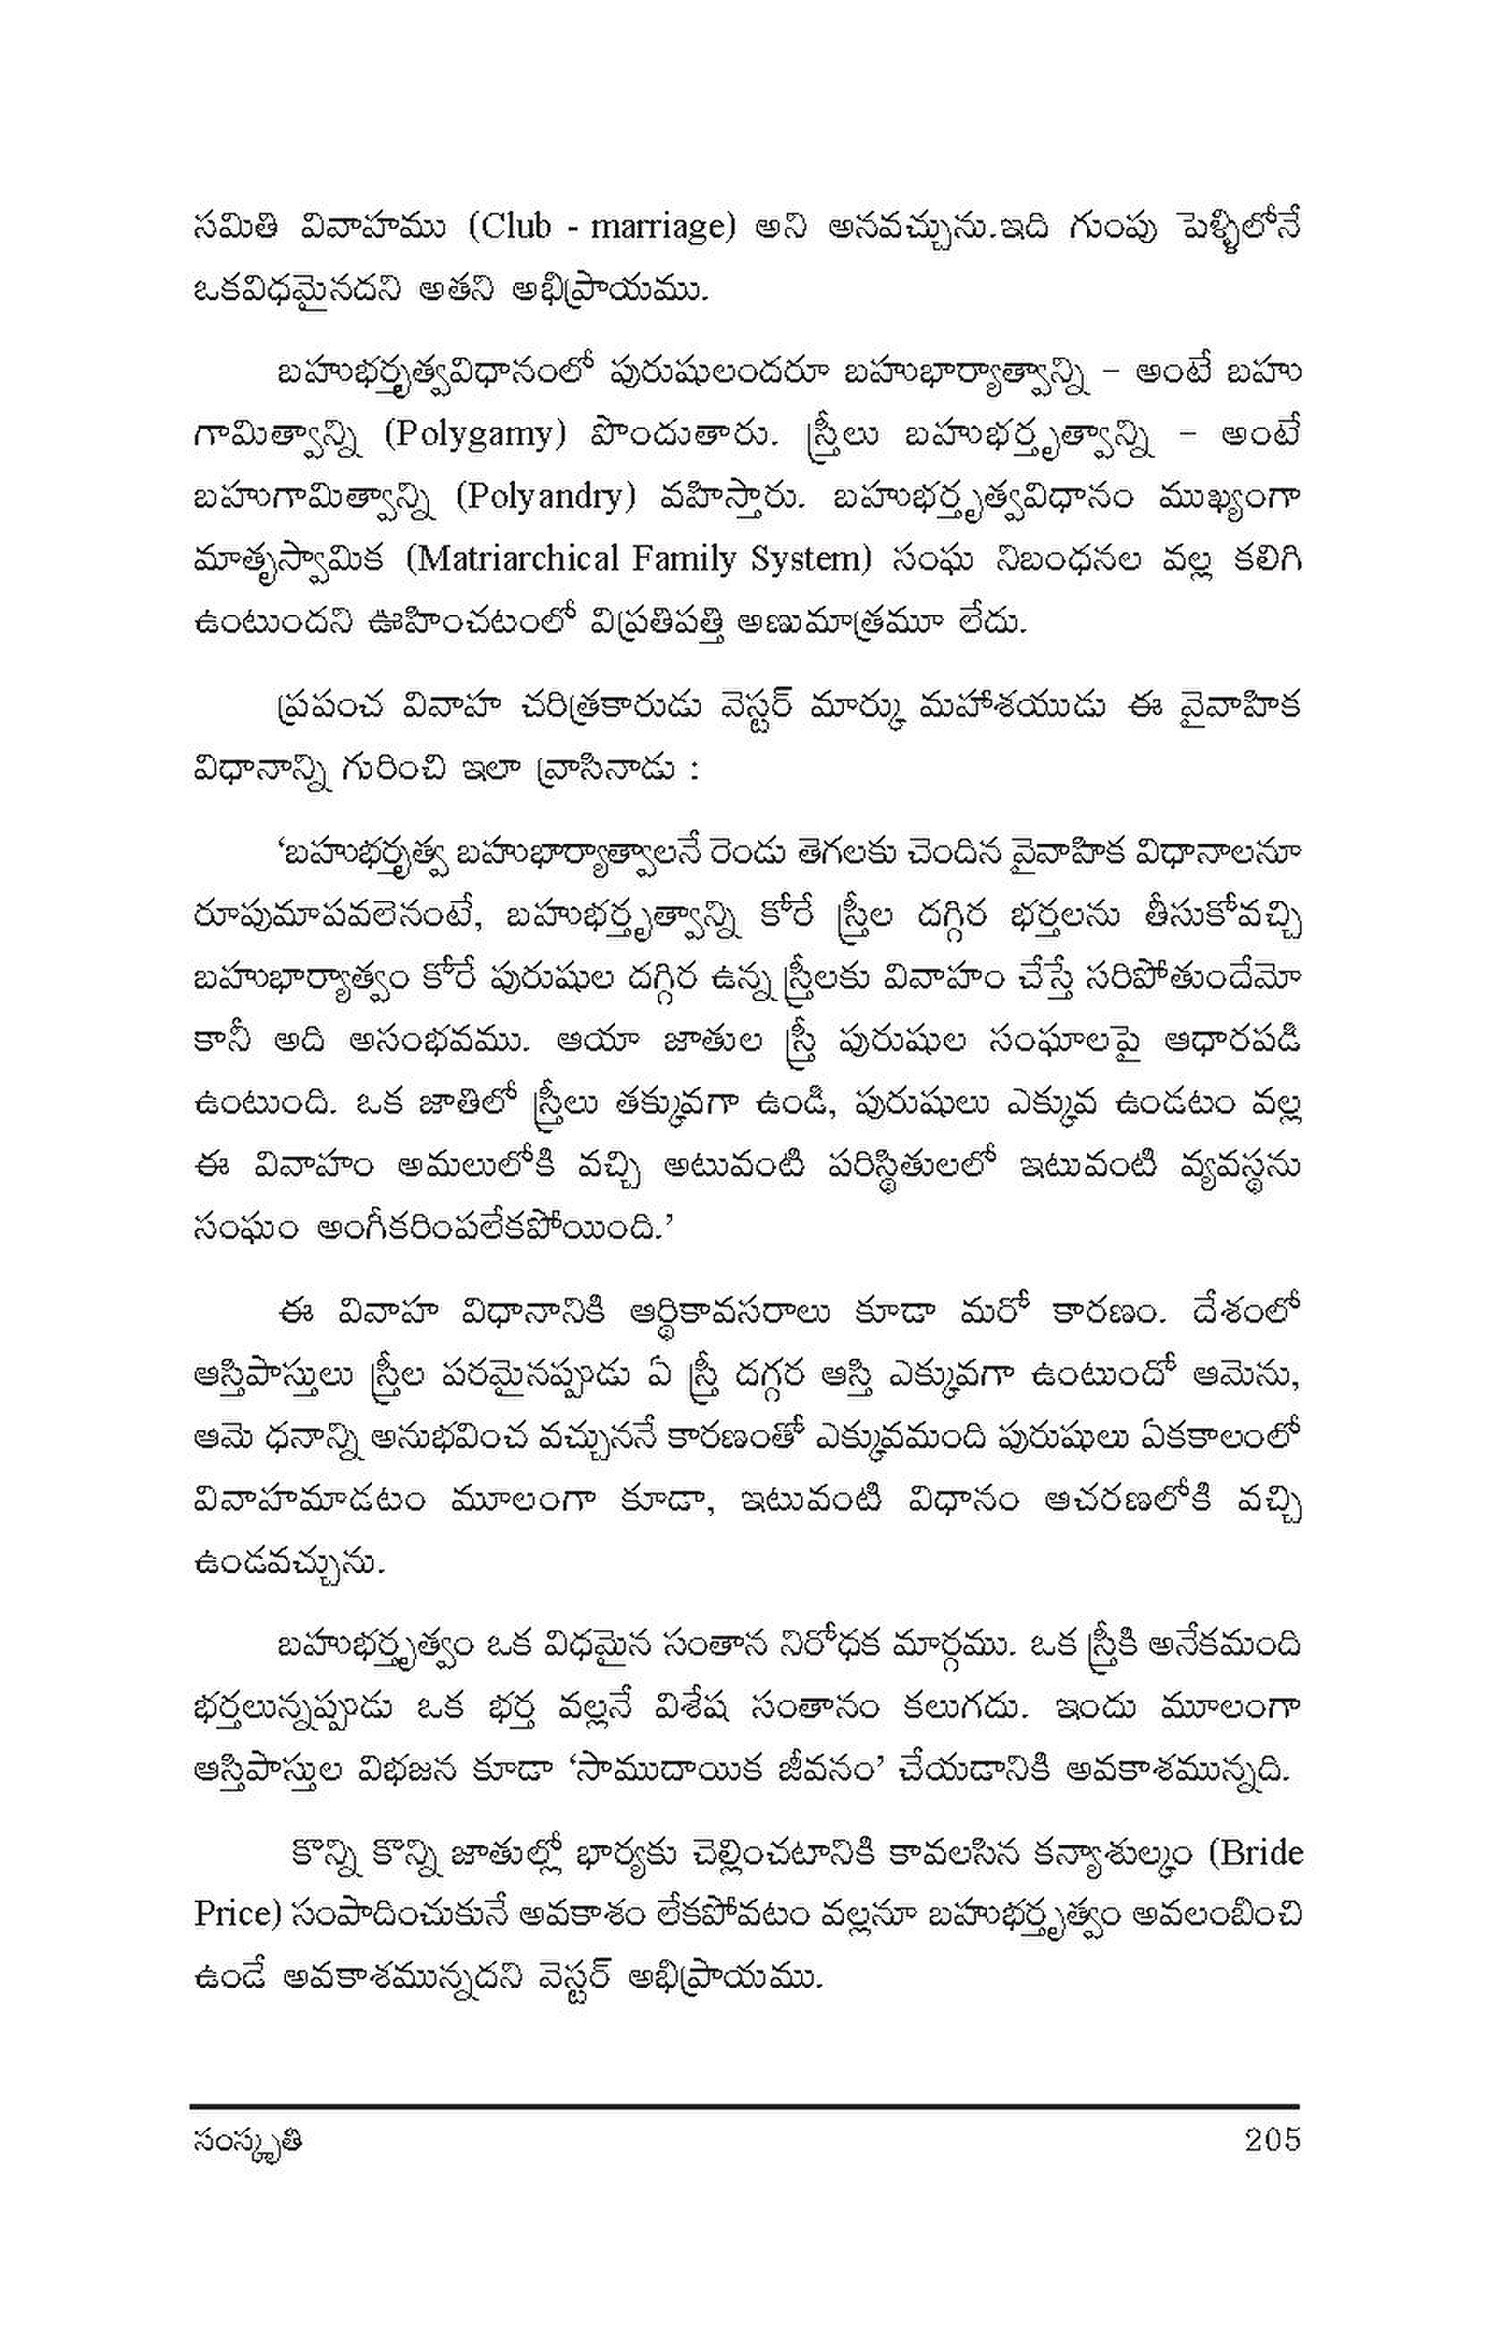సమితి వివాహము (Club - marriage) అని అనవచ్చును. ఇది గుంపు పెళ్ళిలోనే
ఒకవిధమైనదని అతని అభిప్రాయము.

బహుభర్తృత్వవిధానంలో పురుషులందరూ బహుభార్యాత్వాన్ని - అంటే బహు
గామిత్వాన్ని (Polygamy) పొందుతారు. స్త్రీలు బహుభర్తృత్వాన్ని అంటే
బహుగామిత్వాన్ని (Polyandry) వహిస్తారు. బహుభర్తృత్వవిధానం ముఖ్యంగా
మాతృస్వామిక (Matriarchical Family System) సంఘ నిబంధనల వల్ల కలిగి
ఉంటుందని ఊహించటంలో విప్రతిపత్తి అణుమాత్రమూ లేదు.

ప్రపంచ వివాహ చరిత్రకారుడు వెస్టర్ మార్కు మహాశయుడు ఈ వైవాహిక
విధానాన్ని గురించి ఇలా వ్రాసినాడు :

‘బహుభర్తృత్వ బహుభార్యాత్వాలనే రెండు తెగలకు చెందిన వైవాహిక విధానాలనూ
రూపుమాపవలెనంటే, బహుభర్తృత్వాన్ని కోరే స్త్రీల దగ్గిర భర్తలను తీసుకోవచ్చి
బహుభార్యాత్వం కోరే పురుషుల దగ్గిర ఉన్న స్త్రీలకు వివాహం చేస్తే సరిపోతుందేమో
కానీ అది అసంభవము. ఆయా జాతుల స్త్రీ పురుషుల సంఘాలపై ఆధారపడి
ఉంటుంది. ఒక జాతిలో స్త్రీలు తక్కువగా ఉండి, పురుషులు ఎక్కువ ఉండటం వల్ల
ఈ వివాహం అమలులోకి వచ్చి అటువంటి పరిస్థితులలో ఇటువంటి వ్యవస్థను
సంఘం అంగీకరింపలేకపోయింది.'

ఈ వివాహ విధానానికి ఆర్థికావసరాలు కూడా మరో కారణం. దేశంలో
ఆస్తిపాస్తులు స్త్రీల పరమైనప్పుడు ఏ స్త్రీ దగ్గర ఆస్తి ఎక్కువగా ఉంటుందో ఆమెను,
ఆమె ధనాన్ని అనుభవించ వచ్చుననే కారణంతో ఎక్కువమంది పురుషులు ఏకకాలంలో
వివాహమాడటం మూలంగా కూడా, ఇటువంటి విధానం ఆచరణలోకి వచ్చి
ఉండవచ్చును.

బహుభర్తృత్వం ఒక విధమైన సంతాన నిరోధక మార్గము. ఒక స్త్రీకి అనేకమంది
భర్తలున్నప్పుడు ఒక భర్త వల్లనే విశేష సంతానం కలుగదు. ఇందు మూలంగా
ఆస్తిపాస్తుల విభజన కూడా 'సాముదాయిక జీవనం' చేయడానికి అవకాశమున్నది.

కొన్ని కొన్ని జాతుల్లో భార్యకు చెల్లించటానికి కావలసిన కన్యాశుల్కం (Bride
Price) సంపాదించుకునే అవకాశం లేకపోవటం వల్లనూ బహుభర్తృత్వం అవలంబించి
ఉండే అవకాశమున్నదని వెస్టర్ అభిప్రాయము.